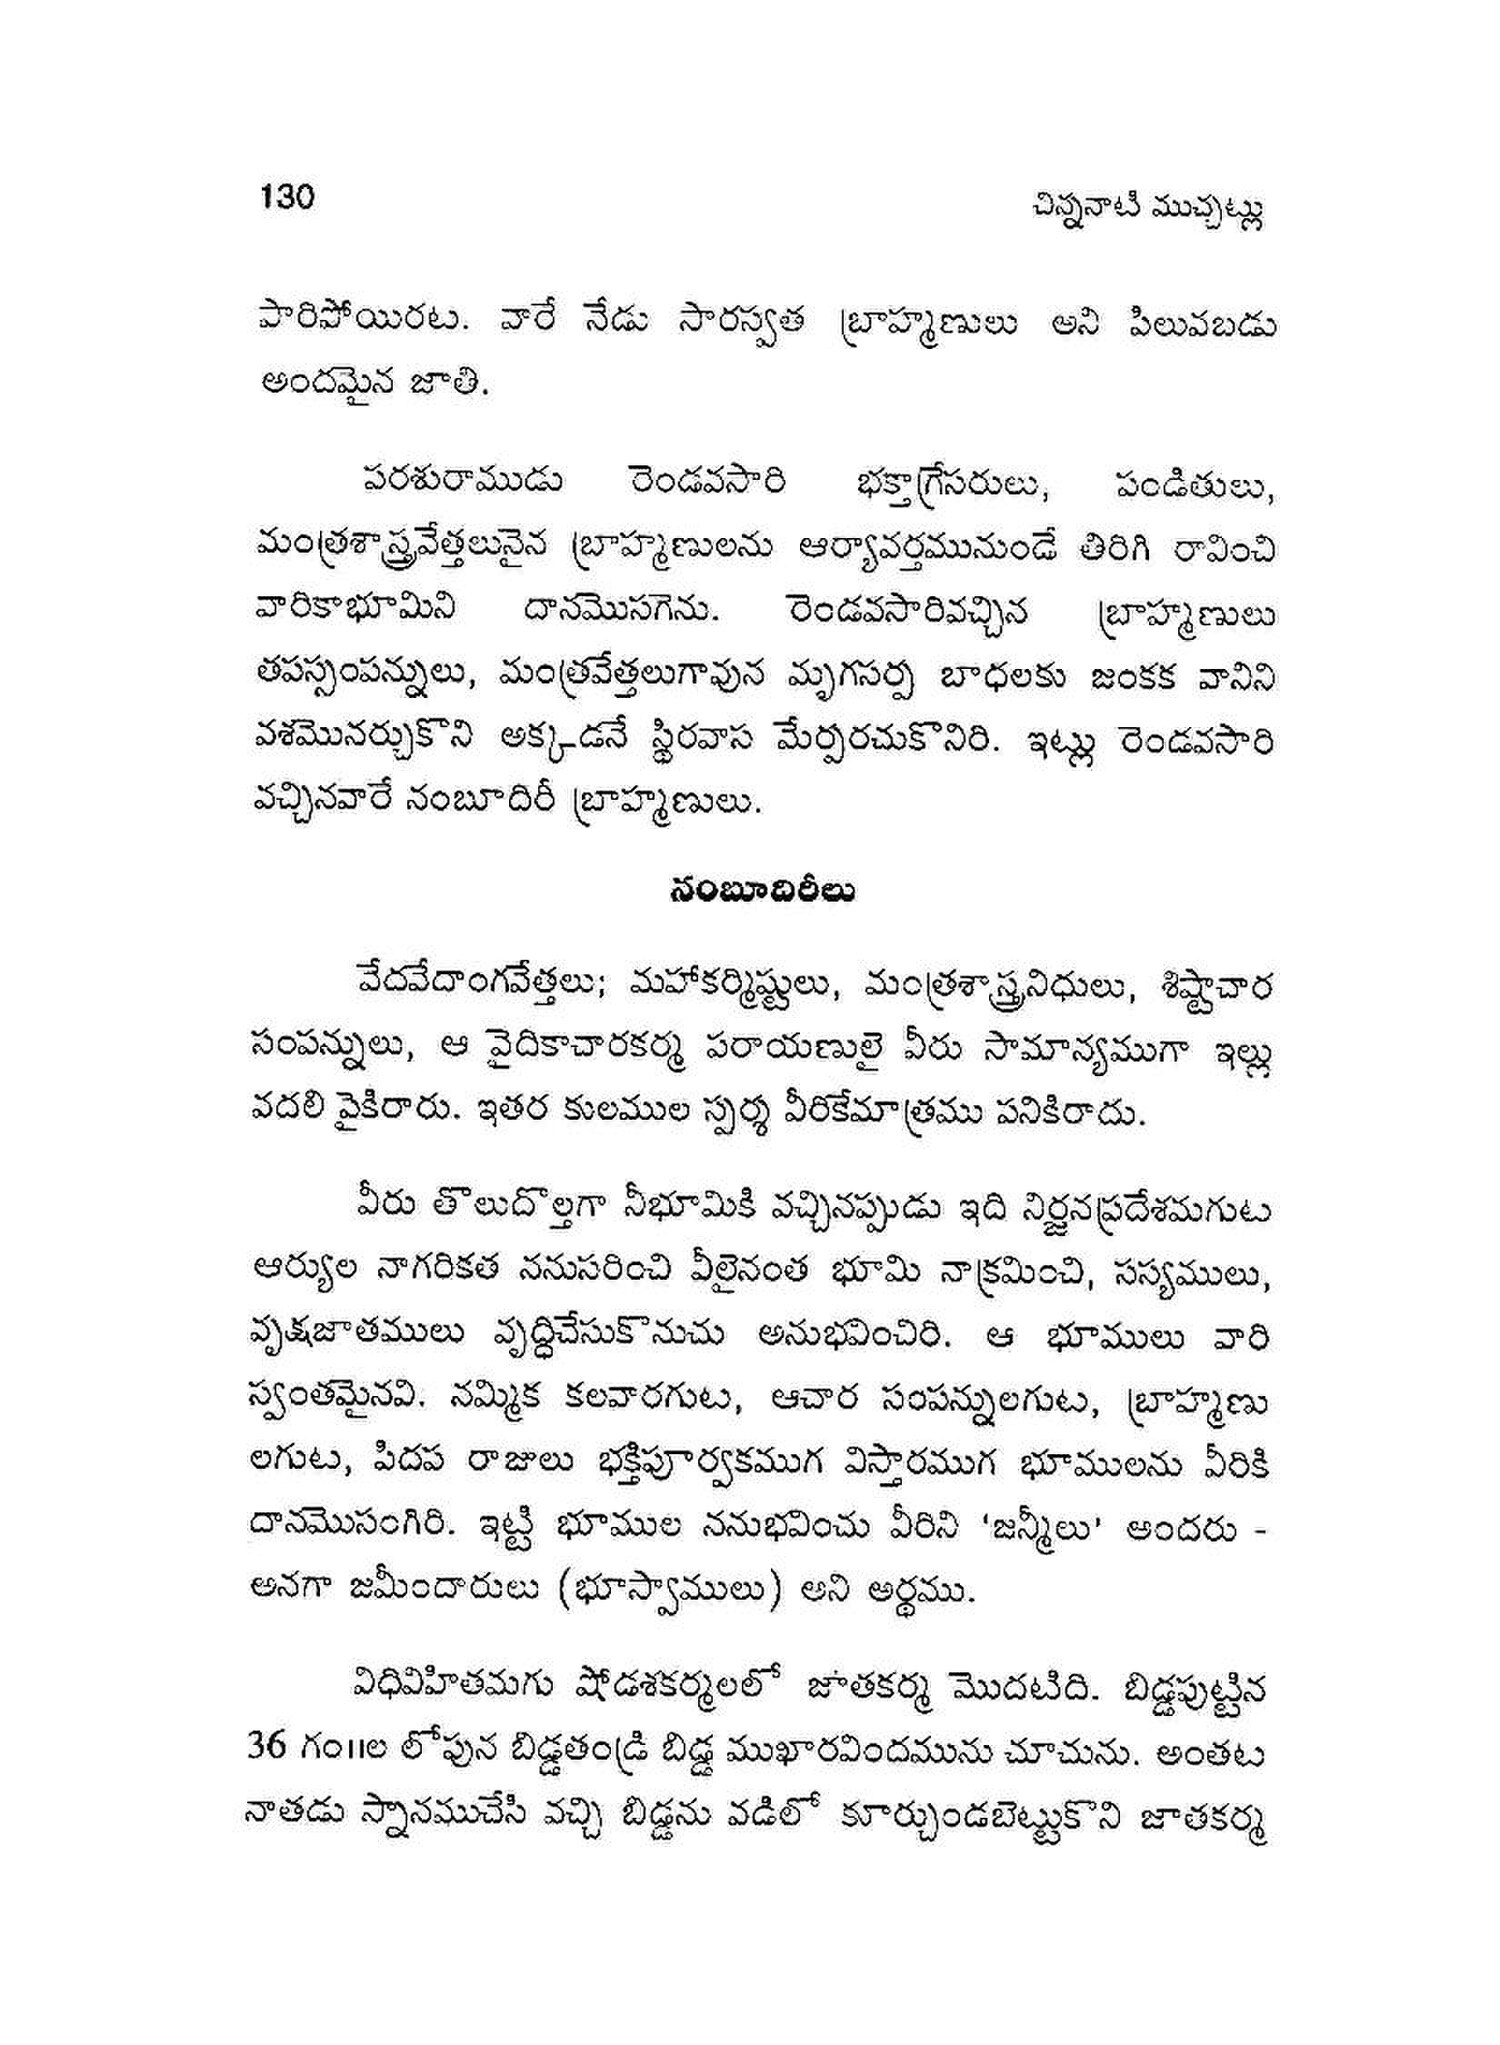పారిపోయిరట. వారే నేడు సారస్వత బ్రాహ్మణులు అని పిలువబడు అందమైన జాతి.

పరశురాముడు రెండవసారి భక్తాగ్రేసరులు, పండితులు, మంత్రశాస్త్రవేత్తలునైన బ్రాహ్మణులను ఆర్యావర్తమునుండే తిరిగి రావించి వారికాభూమిని దానమొసగెను. రెండవసారివచ్చిన బ్రాహ్మణులు తపస్సంపన్నులు, మంత్రవేత్తలుగావున మృగసర్ప బాధలకు జంకక వానిని వశమొనర్చుకొని అక్కడనే స్థిరవాస మేర్పరచుకొనిరి. ఇట్లు రెండవసారి వచ్చినవారే నంబూదిరీ బ్రాహ్మణులు.

వేదవేదాంగవేత్తలు; మహాకర్మిష్టులు, మంత్రశాస్త్రనిధులు, శిష్టాచార సంపన్నులు, ఆ వైదికాచారకర్మ పరాయణులై వీరు సామాన్యముగా ఇల్లు వదలి పైకిరారు. ఇతర కులముల స్పర్శ వీరికేమాత్రము పనికిరాదు.

వీరు తొలుదొల్తగా నీభూమికి వచ్చినప్పడు ఇది నిర్ణన ప్రదేశమగుట ఆర్యుల నాగరికత ననుసరించి వీలైనంత భూమి నాక్రమించి, సస్యములు, వృక్షజాతములు వృద్ధిచేసుకొనుచు అనుభవించిరి. ఆ భూములు వారి స్వంతమైనవి. నమ్మిక కలవారగుట, ఆచార సంపన్నులగుట, బ్రాహ్మణులగుట, పిదప రాజులు భక్తిపూర్వకముగ విస్తారముగ భూములను వీరికి దానమొసంగిరి. ఇట్టి భూముల ననుభవించు వీరిని 'జన్మీలు' అందరు - అనగా జమీందారులు (భూస్వాములు) అని అర్థము.

విధివిహితమగు షోడశకర్మలలో జాతకర్మ మొదటిది. బిడ్డపుట్టిన 36 గం||ల లోపున బిడ్డతండ్రి బిడ్డ ముఖారవిందమును చూచును. అంతట నాతడు స్నానముచేసి వచ్చి బిడ్డను వడిలో కూర్చుండబెట్టుకొని జాతకర్మ